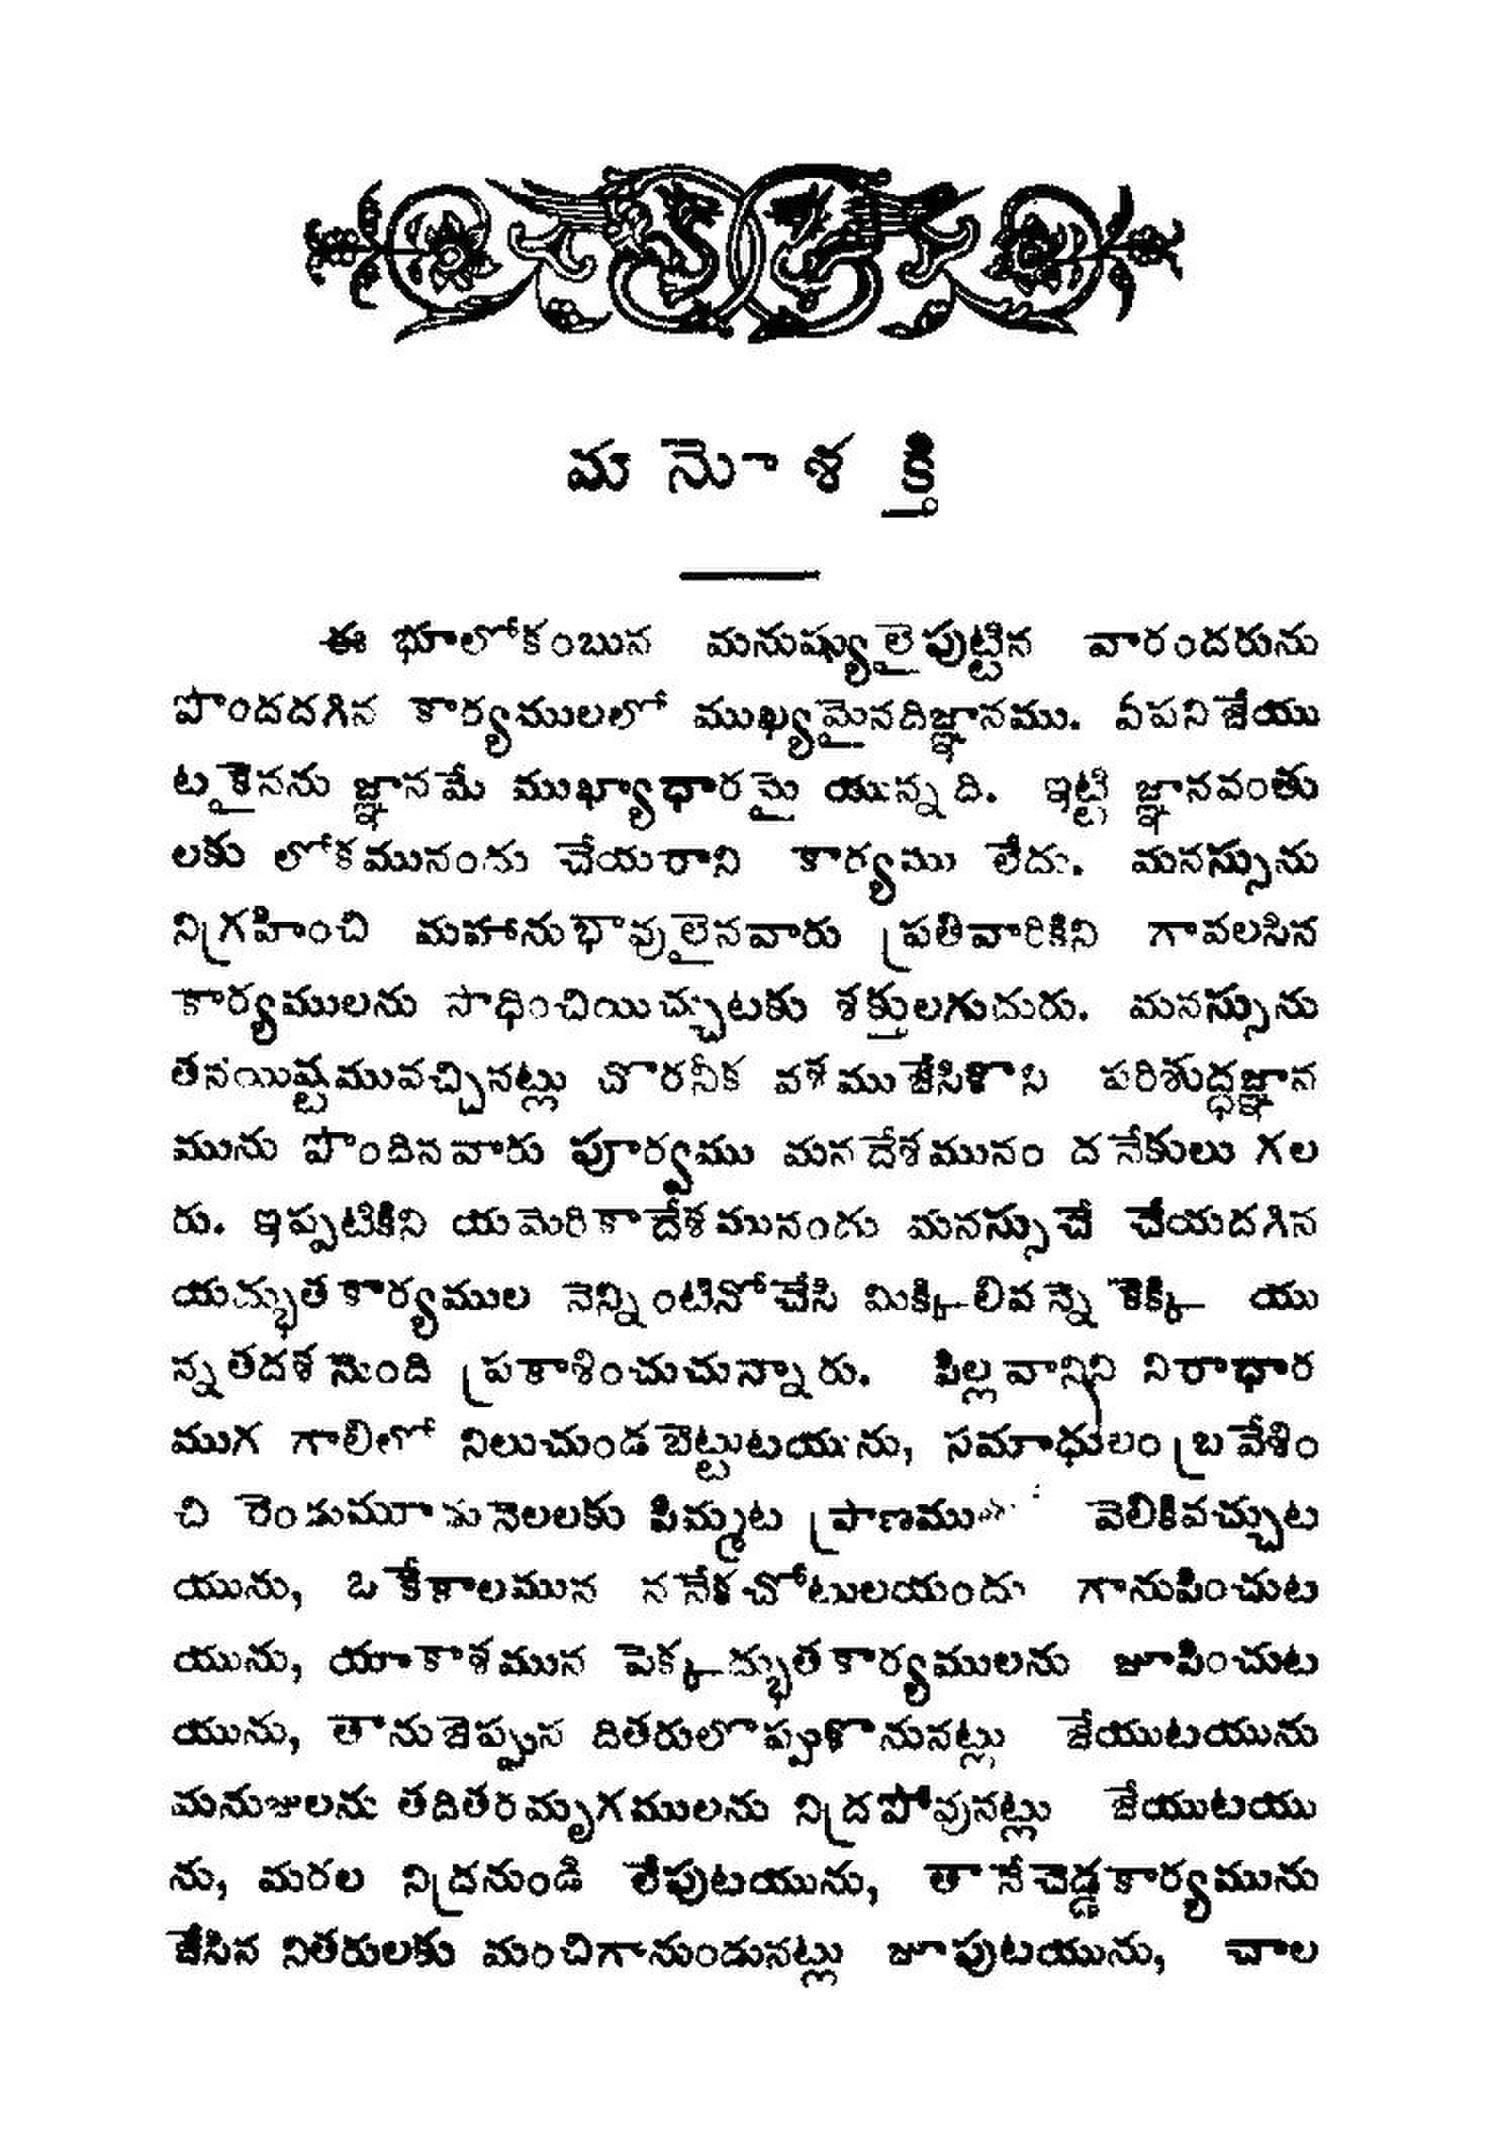మనోశక్తి

ఈ భూలోకంబున మనుష్యులైపుట్టిన వారందరును పొందదగిన కార్యములలో ముఖ్యమైనది జ్ఞానము. ఏపనిజేయుటకైనను జ్ఞానమే ముఖ్యాధారమై యున్నది. ఇట్టి జ్ఞానవంతులకు లోకమునందు చేయరాని కార్యము లేదు. మనస్సును నిగ్రహించి మహానుభావులైనవారు ప్రతివారికిని గావలసిన కార్యములను సాధించియిచ్చుటకు శక్తులగుదురు. మనస్సును తనయిష్టమువచ్చినట్లు చొరనీక వశముజేసికొని పరిశుద్ధజ్ఞానమును పొందినవారు పూర్వము మనదేశమునం దనేకులు గలరు. ఇప్పటికిని యమెరికాదేశమునందు మనస్సుచే చేయదగిన యద్భుతకార్యముల నెన్నింటినోచేసి మిక్కిలివన్నె కెక్కి యున్నతదశనొంది ప్రకాశించుచున్నారు. పిల్లవానిని నిరాధారముగ గాలిలో నిలుచుండబెట్టుటయును, సమాధులం బ్రవేశించి రెండుమూడునెలలకు పిమ్మట ప్రాణముతో వెలికివచ్చుటయును, ఒకేకాలమున ననేకచోటులయందు గానుపించుటయును, యాకాశమున పెక్కద్భుతకార్యములను జూపించుటయును, తాను జెప్పున దితరులొప్పుకొనునట్లు జేయుటయును మనుజులను తదితరమృగములను నిద్రపోవునట్లు జేయుటయును, మరల నిద్రనుండి లేపుటయును, తానేచెడ్డకార్యమును జేసిన నితరులకు మంచిగానుండునట్లు జూపుటయును, చాల